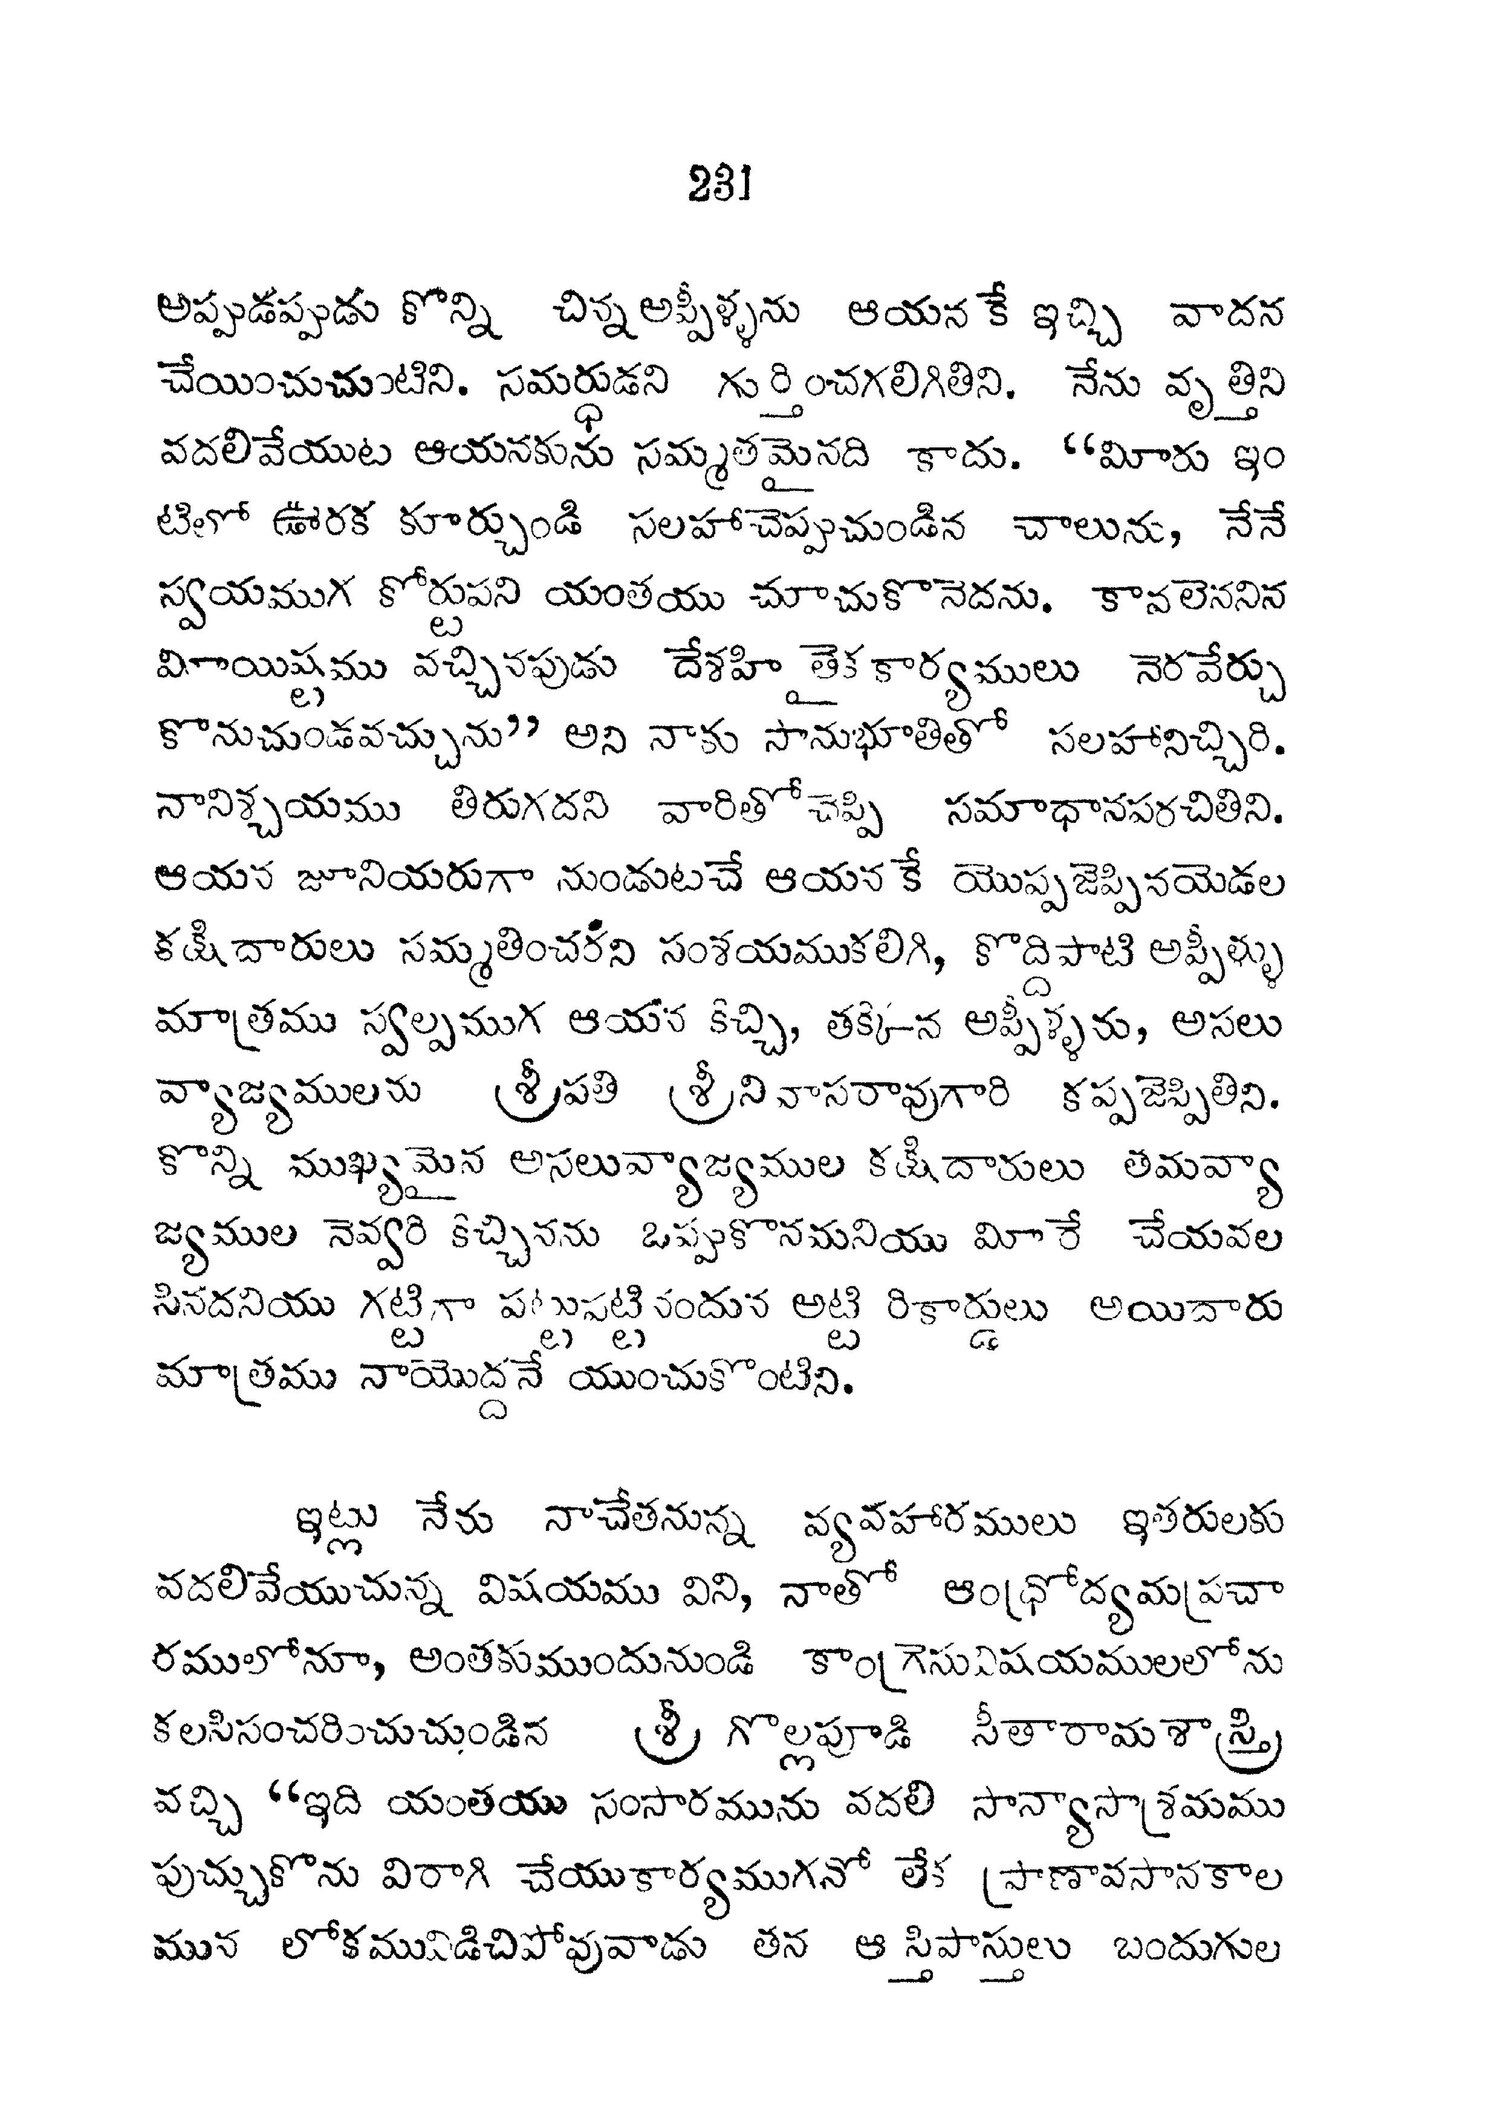అప్పుడప్పుడు కొన్ని చిన్నఅప్పీళ్ళను ఆయనకే ఇచ్చి వాదన చేయించుచుంటిని. సమర్ధుడని గుర్తించగలిగితిని. నేను వృత్తిని వదలివేయుట ఆయనకును సమ్మతమైనది కాదు. "మీరు ఇంటిలో ఊరక కూర్చుండి సలహాచెప్పుచుండిన చాలును, నేనే స్వయముగ కోర్టుపని యంతయు చూచుకొనెదను. కావలెననిన మీయిష్టము వచ్చినప్పుడు దేశహితైకకార్యములు నెరవేర్చు కొనుచుండవచ్చును" అని నాకు సానుభూతితో సలహానిచ్చిరి. నానిశ్చయము తిరుగదని వారితోచెప్పి సమాధానపరచితిని. ఆయన జూనియరుగా నుండుటచే ఆయనకే యొప్పజెప్పినయెడల క్క్షిదారులు సమ్మతించరని సంశయముకలిగి, కొద్దిపాటి అప్పీళ్ళు మాత్రము స్వల్పముగ ఆయన కిచ్చి, తక్కిన అప్పీళ్ళను, అసలు వ్యాజ్యములను శ్రీపతి శ్రీనివాసరావుగారి కప్పజెప్పితిని. కొన్ని ముఖ్యమైన అసలువ్యాజ్యముల కక్షిదారులు తమవ్యాజ్యముల నెవ్వరి కిచ్చినను ఒప్పుకొనమనియు మీరే చేయవలసినదనియు గట్టిగా పట్టుపట్టినందున అట్టి రికార్డులు అయిదారు మాత్రము నాయొద్దనే యుంచుకొంటిని.

ఇట్లు నేను నాచేతనున్న వ్యవహారములు ఇతరులకు వదలివేయుచున్న విషయము విని, నాతో ఆంధ్రోద్యమప్రచారములోనూ, అంతకుముందునుండి కాంగ్రెసువిషయములలోను కలసిసంచరించుచుండిన శ్రీ గొల్లపూడి సీతారామశాస్త్రి వచ్చి "ఇది యంతయు సంసారమును వదలి సన్యాసాశ్రమముపుచ్చుకొను విరాగి చేయుకార్యముగనో లేక ప్రాణావసానకాలమున లోకమువిడచిపోవువాడు తన ఆస్తిపాస్తులు బందుగుల